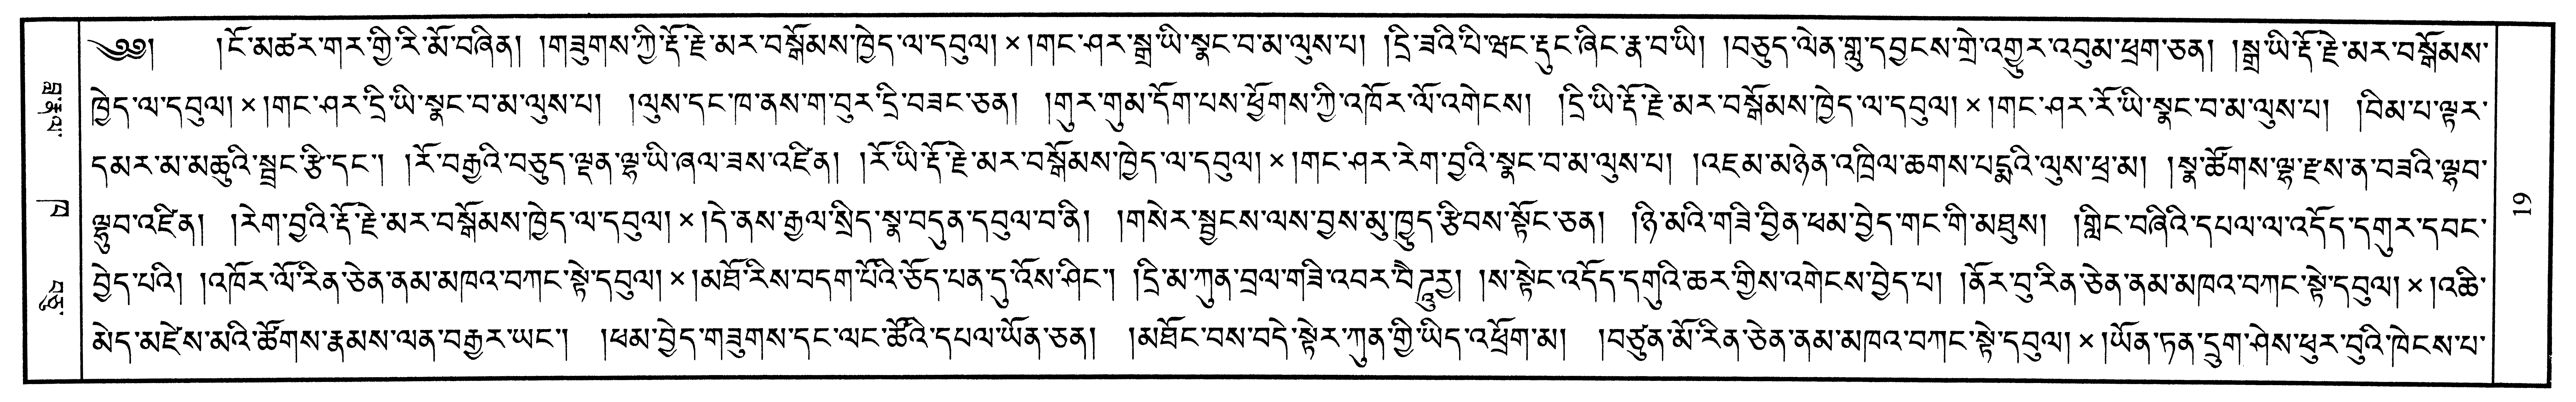༄༅། །ངོ་མཚར་གར་གྱི་རི་མོ་བཞིན། །གཟུགས་ཀྱི་རྡོ་རྗེ་མར་བསྒོམས་ཁྱེད་ལ་དབུལ། ྾་།གང་ཤར་སྒྲ་ཡི་སྣང་བ་མ་ལུས་པ། །དྲི་ཟའི་པི་ཝང་རྡུང་ཞིང་རྣ་བ་ཡི། །བཅུད་ལེན་གླུ་དབྱངས་གྲེ་འགྱུར་འབུམ་ཕྲག་ཅན། །སྒྲ་ཡི་རྡོ་རྗེ་མར་བསྒོམས་
ཁྱེད་ལ་དབུལ། ྾་།གང་ཤར་དྲི་ཡི་སྣང་བ་མ་ལུས་པ། །ལུས་དང་ཁ་ནས་ག་བུར་དྲི་བཟང་ཅན། །གུར་གུམ་དོག་པས་ཕྱོགས་ཀྱི་འཁོར་ལོ་འགེངས། །དྲི་ཡི་རྡོ་རྗེ་མར་བསྒོམས་ཁྱེད་ལ་དབུལ། ྾་།གང་ཤར་རོ་ཡི་སྣང་བ་མ་ལུས་པ། །བིམ་པ་ལྟར་
དམར་མ་མཆུའི་སྦྲང་རྩི་དང་། །རོ་བརྒྱའི་བཅུད་ལྡན་ལྷ་ཡི་ཞལ་ཟས་འཛིན། །རོ་ཡི་རྡོ་རྗེ་མར་བསྒོམས་ཁྱེད་ལ་དབུལ། ྾་།གང་ཤར་རེག་བྱའི་སྣང་བ་མ་ལུས་པ། །འཇམ་མཉེན་འཁྲིལ་ཆགས་པདམའི་ལུས་ཕྲ་མ། །སྣ་ཚོགས་ལྷ་རྫས་ན་བཟའི་ལྷབ་
ལྷུབ་འཛིན། །རེག་བྱའི་རྡོ་རྗེ་མར་བསྒོམས་ཁྱེད་ལ་དབུལ། ྾་།དེ་ནས་རྒྱལ་སྲིད་སྣ་བདུན་དབུལ་བ་ནི། །གསེར་སྦྱངས་ལས་བྱས་མུ་ཁྱུད་རྩིབས་སྟོང་ཅན། །ཉི་མའི་གཟི་བྱིན་ཕམ་བྱེད་གང་གི་མཐུས། །གླིང་བཞིའི་དཔལ་ལ་འདོད་དགུར་དབང་
བྱེད་པའི། །འཁོར་ལོ་རིན་ཅེན་ནམ་མཁའ་བཀང་སྟེ་དབུལ། ྾་།མཐོ་རིས་བདག་པོའི་ཅོད་པན་དུ་འོས་ཤིང་། །དྲི་མ་ཀུན་བྲལ་གཟི་འབར་བཻཌཱུརྱ། །ས་སྟེང་འདོད་དགུའི་ཆར་གྱིས་འགེངས་བྱེད་པ། །ནོར་བུ་རིན་ཅེན་ནམ་མཁའ་བཀང་སྟེ་དབུལ། ྾་།འཆི་
མེད་མཛེས་མའི་ཚོགས་རྣམས་ལན་བརྒྱར་ཡང་། །ཕམ་བྱེད་གཟུགས་དང་ལང་ཚོའི་དཔལ་ཡོན་ཅན། །མཐོང་བས་བདེ་ལྟེར་ཀུན་གྱི་ཡིད་འཕྲོག་མ། །བཙུན་མོ་རིན་ཅེན་ནམ་མཁའ་བཀང་སྟེ་དབུལ། ྾་།ཡོན་ཏན་དྲུག་ཤེས་ཕུར་བུའི་ཁེངས་པ་